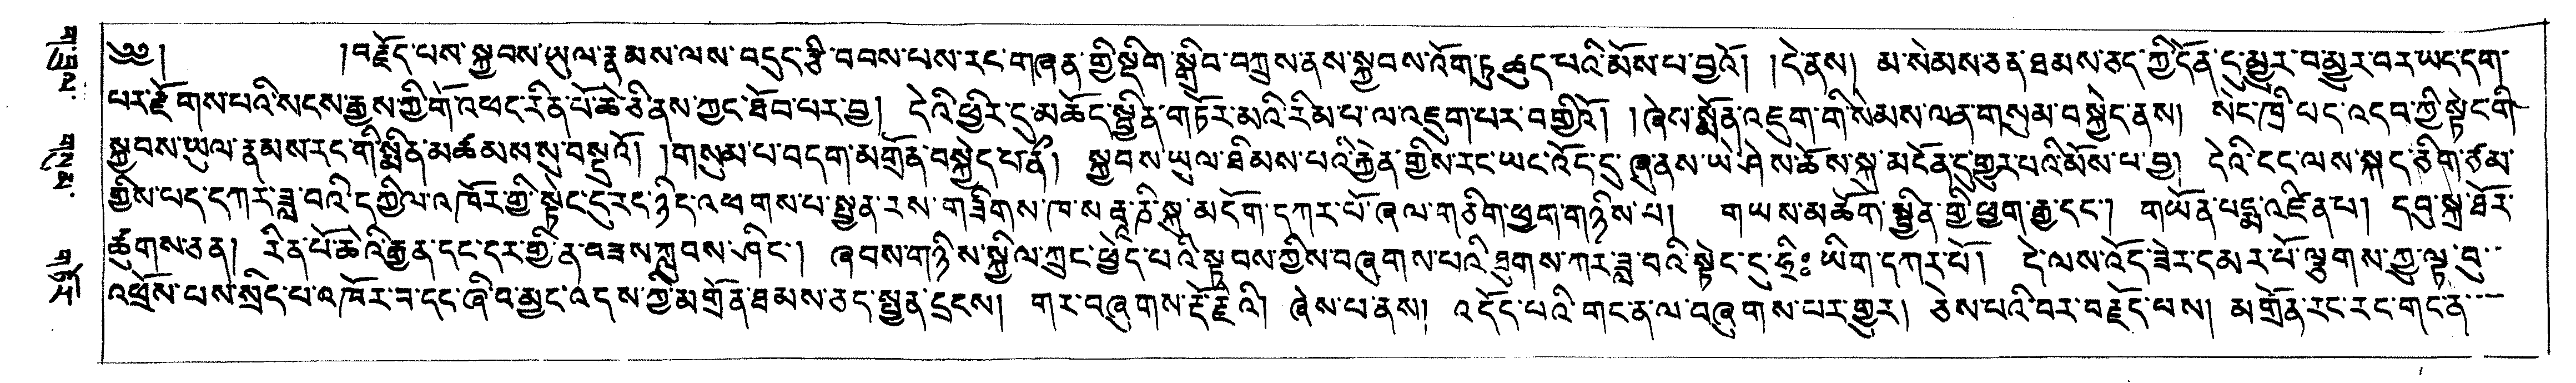༄༅། །བརྗོད་པས་སྐྱབས་ཡུལ་རྣམས་ལས་བདུད་རྩི་བབས་པས་རང་གཞན་གྱི་སྡིག་སྒྲིབ་བཀྲུས་ནས་སྐྱབས་འོག་ཏུ་ཆུད་པའི་མོས་པ་བྱའོ། །དེ་ནས། མ་སེམས་ཅན་ཐམས་ཅད་ཀྱི་དོན་དུ་མྱུར་བ་མྱུར་བར་ཡང་དག་
པར་རྫོགས་པའི་སངས་རྒྱས་ཀྱི་གོ་འཕང་རིན་པོ་ཆེ་ཅི་ནས་ཀྱང་ཐོབ་པར་བྱ། དེའི་ཕྱིར་དུ་མཆོད་སྦྱིན་གཏོར་མའི་རིམ་པ་ལ་འཇུག་པར་བགྱིའོ། །ཞེས་སྨོན་འཇུག་གི་སེམས་ལན་གསུམ་བསྐྱེད་ནས། སེང་ཁྲི་པད་འདབ་ཀྱི་སྟེང་གི་
སྐྱབས་ཡུལ་རྣམས་རང་གི་སྨིན་མཚམས་སུ་བསྡུའོ། །གསུམ་པ་བདག་མགྲོན་བསྐྱེད་པ་ནི། སྐྱབས་ཡུལ་ཐིམས་པའི་རྐྱེན་གྱིས་རང་ཡང་འོད་དུ་ཞུ་ནས་ཡེ་ཤེས་ཆོས་སྐུ་མངོན་དུ་གྱུར་པའི་མོས་པ་བྱ། དེའི་ངང་ལས་སྐད་ཅིག་ཙམ་
གྱིས་པད་དཀར་ཟླ་བའི་དཀྱིལ་འཁོར་གྱི་སྟེང་དུ་རང་ཉིད་འཕགས་པ་སྤྱན་རས་གཟིགས་ཁ་ས་རྦཱ་ཎི་སྐུ་མདོག་དཀར་པོ་ཞལ་གཅིག་ཕྱག་གཉིས་པ། གཡས་མཆོག་སྦྱིན་གྱི་ཕྱག་རྒྱ་དང་། གཡོན་པདམ་འཛིན་པ། དབུ་སྐྲ་ཐོར་
ཚུགས་ཅན། རིན་པོ་ཆེའི་རྒྱན་དང་དར་གྱི་ན་བཟས་ཀླུབས་ཤིང་། ཞབས་གཉིས་སྐྱིལ་ཀྲུང་ཕྱེད་པའི་སྟབས་ཀྱིས་བཞུགས་པའི་ཐུགས་ཀར་ཟླ་བའི་སྟེང་དུ་ཧྲིཿ ཡིག་དཀར་པོ། དེ་ལས་འོད་ཟེར་དམར་པོ་ལྕགས་ཀྱུ་ལྟ་བུ་
འཕྲོས་པས་སྲིད་པ་འཁོར་བ་དང་ཞི་བ་མྱང་འདས་ཀྱི་མགྲོན་ཐམས་ཅད་སྤྱན་དྲངས། གར་བཞུགས་རྡོ་རྗེའི། ཞེས་པ་ནས། འདོད་པའི་གང་ན་ལ་བཞུགས་པར་གྱུར། ཅེས་པའི་བར་བརྗོད་པས། མགྲོན་རང་རང་གང་ན་